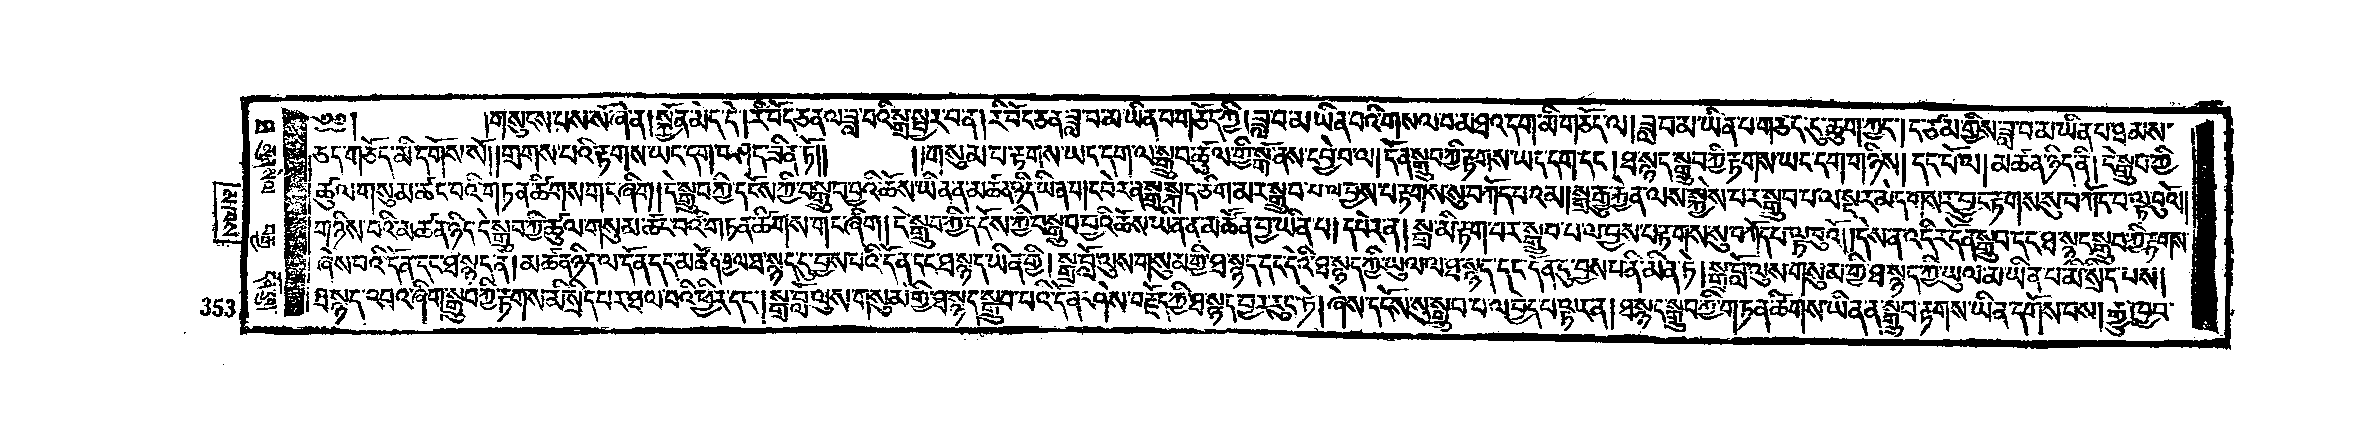༄༅། །གསུངས་པས་སོ་ཞེ་ན། སྐྱོན་མེད་དེ། རི་བོང་ཅན་ལ་ཟླ་བའི་སྒྲ་སྦྱར་བ་ན། རི་བོང་ཅན་ཟླ་བ་མ་ཡིན་པ་གཅོད་ཀྱི། ཟླ་བ་མ་ཡིན་པའི་གསལ་བ་མཐའ་དག་མི་གཅོད་ལ། ཟླ་བ་མ་ཡིན་པ་གཅོད་དུ་ཆུག་ཀྱང་། དེ་ཙམ་གྱིས་ཟླ་བ་མ་ཡིན་པ་ཐམས་
ཅད་གཅོད་མི་དགོས་སོ། །གྲགས་པའི་རྟགས་ཡང་དག་བཤད་ཟིན་ཏོ།། །།གསུམ་པ་རྟགས་ཡང་དག་ལ་སྒྲུབ་ཚུལ་གྱི་སྒོ་ནས་དབྱེ་བ་ལ། དོན་སྒྲུབ་ཀྱི་རྟགས་ཡང་དག་དང་། ཐ་སྙད་སྒྲུབ་ཀྱི་རྟགས་ཡང་དག་གཉིས། དང་པོ་ལ། མཚན་ཉིད་ནི། དེ་སྒྲུབ་ཀྱི་
ཚུལ་གསུམ་ཚང་བའི་གཏན་ཚིགས་གང་ཞིག །དེ་སྒྲུབ་ཀྱི་དངོས་ཀྱི་བསྒྲུབ་བྱའི་ཆེས་ཡིན་ན་མཚན་ཉིད་ཡིན་པ། དཔེར་ན་སྒྲ་སྐད་ཅིག་མར་སྒྲུབ་པ་ལ་བྱས་པ་རྟགས་སུ་བཀོད་པའམ། སྒྲ་རྒྱུ་རྐྱེན་ལས་སྐྱེས་པར་སྒྲུབ་པ་ལ་སྔར་མེད་གསར་བྱུང་རྟགས་སུ་བཀོད་པ་ལྟ་བུའོ། །
གཉིས་པའི་མཚན་ཉིད་དེ་སྒྲུབ་ཀྱི་ཚུལ་གསུམ་ཚང་བའི་གཏན་ཚིགས་གང་ཞིག །དེ་སྒྲུབ་ཀྱི་དངོས་ཀྱི་བསྒྲུབ་བྱའི་ཆོས་ཡིན་ན་མཚོན་བྱ་ཡིན་པ། དཔེར་ན། སྒྲ་མི་རྟག་པར་སྒྲུབ་པ་ལ་བྱས་པ་རྟགས་སུ་བཀོད་པ་ལྟ་བུའོ། །དེས་ན་འདིར་དོན་སྒྲུབ་དང་ཐ་སྙད་སྒྲུབ་ཀྱི་རྟགས་
ཞེས་པའི་དོན་དང་ཐ་སྙད་ནི། མཚན་ཉིད་ལ་དོན་དང་མཚོན་བྱ་ལ་ཐ་སྙད་དུ་བྱས་པའི་དོན་དང་ཐ་སྙད་ཡིན་གྱི། སྒྲ་བློ་ལུས་གསུམ་གྱི་ཐ་སྙད་དང་དེའི་ཐ་སྙད་ཀྱི་ཡུལ་ལ་ཐ་སྙད་དང་དོན་དུ་བྱས་པ་ནི་མིན་ཏེ། སྒྲ་བློ་ལུས་གསུམ་གྱི་ཐ་སྙད་ཀྱི་ཡུལ་མ་ཡིན་པ་མི་སྲིད་པས།
ཐ་སྙད་འབའ་ཞིག་སྒྲུབ་ཀྱི་རྟགས་མི་སྲིད་པར་ཐལ་བའི་ཕྱིར་དང་། སྒྲ་བློ་ལུས་གསུམ་གྱི་ཐ་སྙད་སྒྲུབ་པའི་དོན་ཤེས་བརྗོད་ཀྱི་ཐ་སྙད་བྱར་རུང་ཏེ། ཞེས་དངོས་སུ་སྒྲུབ་པ་ལ་བྱེད་པ་ལྟར་ན། ཐ་སྙད་སྒྲུབ་ཀྱི་གཏན་ཚིགས་ཡིན་ན་སྒྲུབ་རྟགས་ཡིན་དགོས་པས། རྒྱུ་ཁྱབ་?